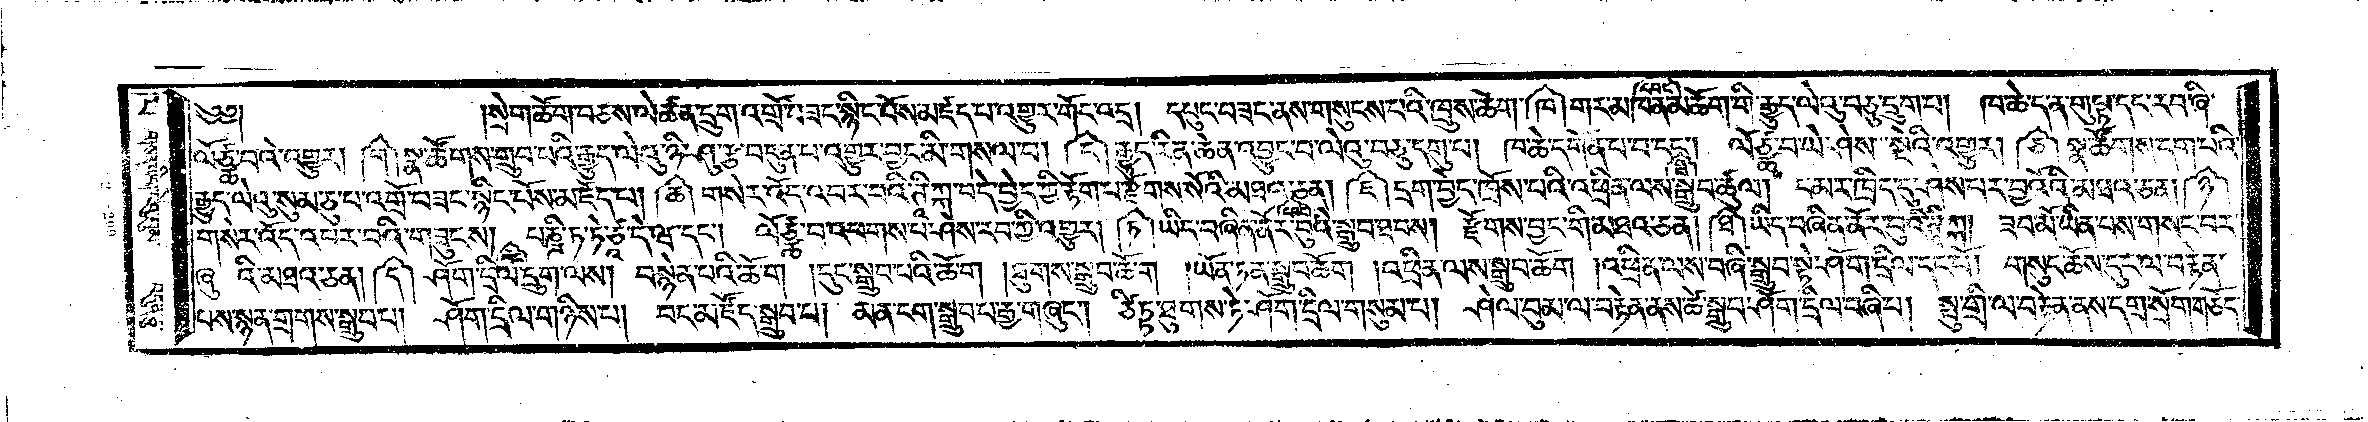༄༅། །སྲེག་ཆོག་བཅས་ལེ་ཚན་དྲུག་འགྲོ་བཟང་སྙིང་པོས་མཛད་པ་འགྱུར་གོང་འདྲ། དཔུང་བཟང་གསུངས་པའི་ཁྲུས་ཆོག ༼ཁ༽ གར་མཁན་མཆོག་གི་རྒྱུད་ལེའི་བཅུ་དྲུག་པ། ཁ་ཆེ་ད་ན་གུཔྟ་དང་རབ་ཞི་
ལོཙྪ་བའི་འགྱུར། ༼ག༽ སྣ་ཚོགས་སྒྲུབ་པའི་རྒྱུད་ལེའི་ཉི་ཤུ་རྩ་བདུན་པ་འགྱུར་བྱང་མི་གསལ་བ། ༼ང༽ རྒྱུད་རིན་ཆེན་འབྱུང་བ་ལེའུ་བཅུ་དགུ་པ། ཁ་ཆེ་དགོན་པ་བ་དང་། ལོ་ཙྪ་བ་ཡེ་ཤེས་སྔེའི་འགྱུར། ༼ཅ༽ སན་ཚོགས་དག་པའི་
རྒྱུད་ལེའུ་སུམ་ཅུ་པ་འགྲོ་བཟང་སྙིང་པོས་མཛོད་པ། ༼ཆ༽ གསེར་འོད་འབར་བའི་ཏཱི་ཀྐ་བདེ་བྱེད་ཀྱི་རྟོག་པ་རྫོགས་སོའི་མཐའ་ཅན། ༼ཇ༽ དྲག་བྱེད་ཁྲོས་པའི་འཕྲིན་ལས་སྒྲུབ་ཚུལ། དམར་ཁྲིད་དུ་ཤེས་པར་བྱའོའི་མཐའ་ཅན། ༼ཉ༽
གསེར་འོད་འབར་བའི་གཟུངས། པཎྜི་ཏ་ཙཱ་དེ་ཝ་དང་། ལོཙྪ་བ་འཕགས་པ་ཤེས་རབ་ཀྱི་འགྱུར། ༼ཏ༽ ཡིད་བཞིན་ནོར་བུའི་སྒྲུབ་ཐབས། རྫོགས་བྱང་གི་མཐའ་ཅན། ༼ཐ༽ ཡིད་བཞིན་ནོར་བུའི་ཏཱིཀྐ། ཟབ་མོ་ཡིན་པས་གསང་བར་
ཞུའི་མཐའ་ཅན། ༼ད༽ ཤོག་དྲིལ་དྲུག་ལས། བསྙེན་པའི་ཆོ་ག །དྲང་སྒྲུབ་པའི་ཆོ་ག། ཐུས་སྒྲུབ་ཆོག །ཡོན་ཏན་སྒྲུབ་ཆོག །འཕྲིན་ལས་སྒྲུབ་ཆོག །འཕྲིན་ལས་བཞི་སྒྲུབ་སྟེ་ཤོག་དྲིལ་དང་པོ། གསུང་ཆོས་དུང་ལ་བརྟེན་
པས་སྙན་གྲགས་སྒྲུབ་པ། ཤོག་དྲིལ་གཉིས་པ། བང་མཛོད་སྒྲུབ་པ། མན་ངག་སྒྲུབ་པ་རྒྱ་གཞུང་། ཙིཏྟ་ཐུས་ཏེ་ཤོག་དྲིལ་གསུམ་པ། ཤེལ་བུམ་པ་བརྟེན་ན་ཚེ་སྒྲུབ་ཤོག་དྲིལ་བཞི་པ། སྤུ་གྲིལ་བརྟེན་ནས་དགྲ་སྲོག་གཅོད་